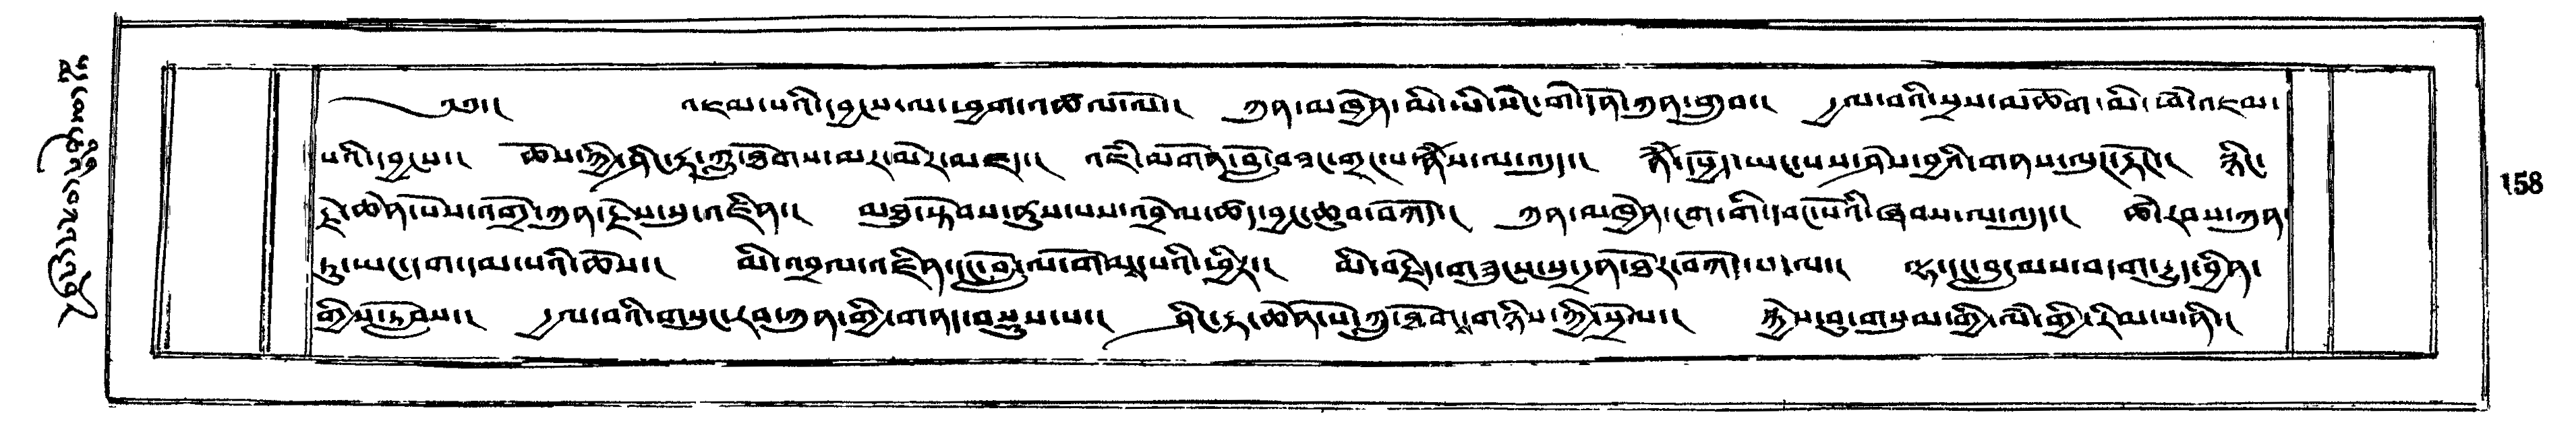འཇམ་པའི་དབྱངས་ལ་ཕྱག་འཚལ་ལོ། །ཀུན་མཁྱེན་མི་ཡི་སེང་གེ་དོན་ཀུན་གྲུབ། །རྒྱལ་བའི་སྲས་མཆོག་མི་ཕམ་འཇམ་
པའི་དབྱངས། །ཆོས་ཀྱི་ཤིང་རྟ་ཀླུ་ཐོགས་མར་མེ་མཛད། །འཇམ་མགོན་བློ་བཟང་གྲགས་པ་རྣམས་ལ་འདུད། །རྣམ་དཔྱོད་ཡངས་པས་ཤེས་བྱའི་གནས་ལུགས་རྟོགས། །སྙིང་
རྗེ་ཆེན་པོས་འགྲོ་ཀུན་རྗེས་སུ་འཛིན། །མཐུ་སྟོབས་ནུས་པས་འབྲེལ་ཚད་བྱང་ཆུབ་བཀོད། །ཀུན་མཁྱེན་ངག་གི་དབང་པོའི་ཞབས་ལ་འདུད། །ཚེ་རབས་ཀུན་
ཏུ་ཡང་དག་དམ་པའི་ཆོས། །མི་འབྲལ་འཛིན་དང་བློ་ལ་གོམས་པའི་ཕྱིར། །མི་བརྗེད་གཟུངས་སུ་དྲན་ཐོར་དགོད་པ་ལ། །ལྷ་དང་བླ་མས་བདག་རྒྱུད་བྱིན་
གྱིས་རློབས། །རྒྱལ་བའི་གསུང་རབ་ཀུན་ཀྱི་གནད་བསྡུས་པ། །ཤིང་རྟ་ཆེན་པོ་ཀླུ་ཐོགས་གཉིས་ཀྱི་སྲོལ། །སྐྱེས་བུ་གསུམ་གྱི་ལམ་གྱི་རིམ་པ་ནི།